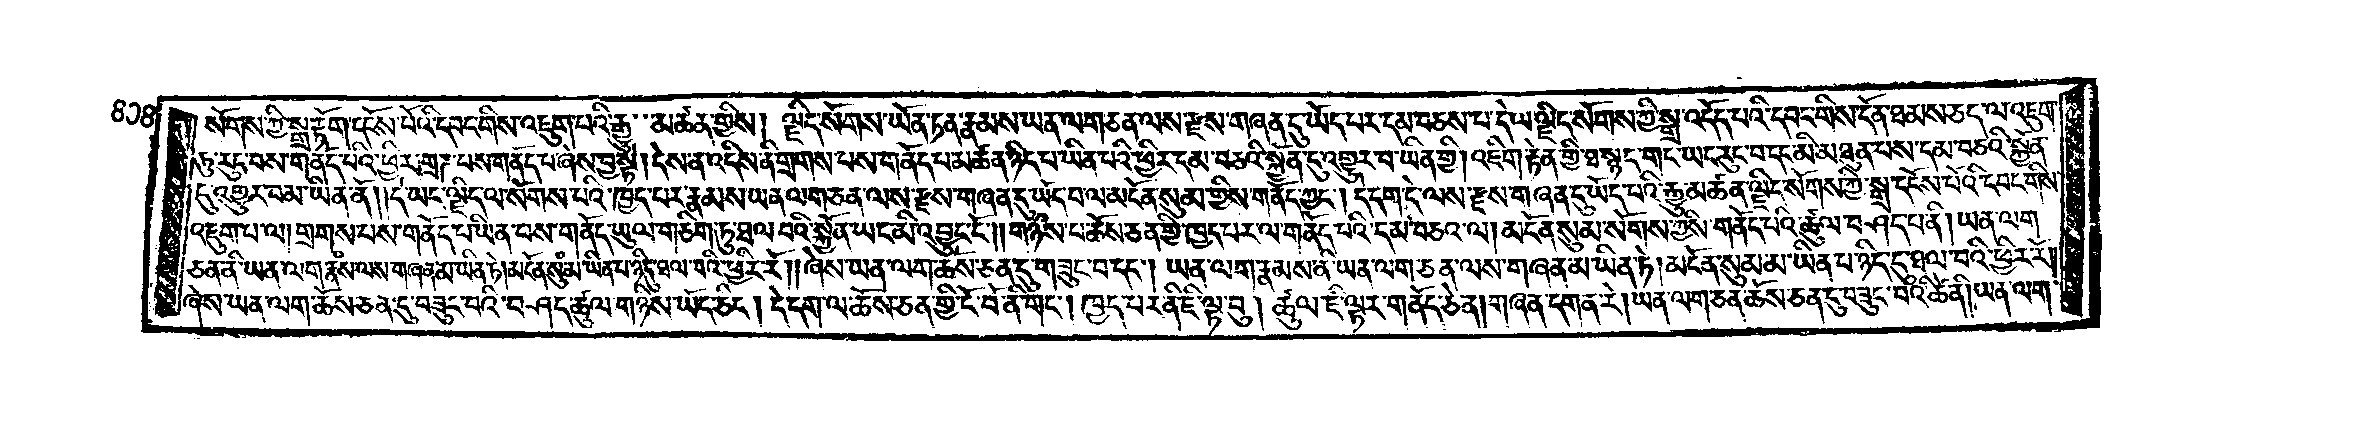སོགས་ཀྱི་སྒྲ་རྟོག་དངོས་པོའི་དབང་གིས་འཇུག་པའི་རྒྱུ་མཚན་གྱིས། ལྗིད་སོགས་ཡོན་ཏན་རྣམས་ཡན་ལག་ཅན་ལས་རྫས་གཞན་དུ་ཡོད་པར་དམ་བཅས་པ་དེ་ལ་ལྗིད་སོགས་ཀྱི་སྒྲ་འདོད་པའི་དབང་གིས་དོན་ཐམས་ཅད་ལ་འཇུག་
ཏུ་རུང་བས་གནོད་པའི་ཕྱིར་གྲགས་པས་གནོད་པ་ཞེས་བྱ་སྟེ། དེས་ན་འདིས་ནི་གྲགས་པས་གནོད་པ་མཚན་ཉིད་པ་ཡིན་པའི་ཕྱིར་དམ་བཅའི་སྐྱོན་དུ་འགྱུར་བ་ཡིན་གྱི། འཇིག་རྟེན་གྱི་ཐ་སྙད་གང་ཡང་རུང་བ་དང་མི་མཐུན་པས་དམ་བཅའི་སྐྱོན་
དུ་འགྱུར་བ་མ་ཡིན་ནོ། །དེ་ཡང་ལྗིད་ལ་སོགས་པའི་ཁྱད་པར་རྣམས་ཡན་ལག་ཅན་ལས་རྫས་གཞན་དུ་ཡོད་པ་ལ་མངོན་སུམ་གྱིས་གནོད་ཀྱང་། དེ་དག་དེ་ལས་རྫས་གཞན་དུ་ཡོད་པའི་རྒྱུ་མཚན་ལྗིད་སོགས་ཀྱི་སྒྲ་དངོས་པོའི་དབང་གིས་
འཇུག་པ་ལ། གྲགས་པས་གནོད་པ་ཡིན་པས་གནོད་ཡུལ་གཅིག་ཏུ་ཐལ་བའི་སྐྱོན་ཡང་མི་འབྱུང་ངོ། །གཉིས་པ་ཆོས་ཅན་གྱི་ཁྱད་པར་ལ་གནོད་པའི་དམ་བཅའ་ལ། མངོན་སུམ་སོགས་ཀྱིས་གནོད་པའི་ཚུལ་བཤད་པ་ནི། ཡན་ལག་
ཅན་ནི་ཡན་ལག་རྣམས་ལས་གཞན་མ་ཡིན་ཏེ། མངོན་སུམ་མ་ཡིན་པ་ཉིད་དུ་ཐལ་བའི་ཕྱིར་རོ། །ཞེས་ཡན་ལག་ཆོས་ཅན་དུ་གཟུང་བ་དང་། ཡན་ལག་རྣམས་ནི་ཡན་ལག་ཅན་ལས་གཞན་མ་ཡིན་ཏེ། མངོན་སུམ་མ་ཡིན་པ་ཉིད་དུ་ཐལ་བའི་ཕྱིར་རོ། །
ཞེས་ཡན་ལག་ཆོས་ཅན་དུ་བཟུང་བའི་བཤད་ཚུལ་གཉིས་ཡོད་ཅིང་། དེ་དག་ལ་ཆོས་ཅན་གྱི་ངོ་བོ་ནི་གང་། ཁྱད་པར་ནི་ཇི་ལྟ་བུ། ཚུལ་ཇི་ལྟར་གནོད་ཅེ་ན། གཞན་དག་ན་རེ། ཡན་ལག་ཅན་ཆོས་ཅན་དུ་བཟུང་བའི་ཚེ་ནི། ཡན་ལག་